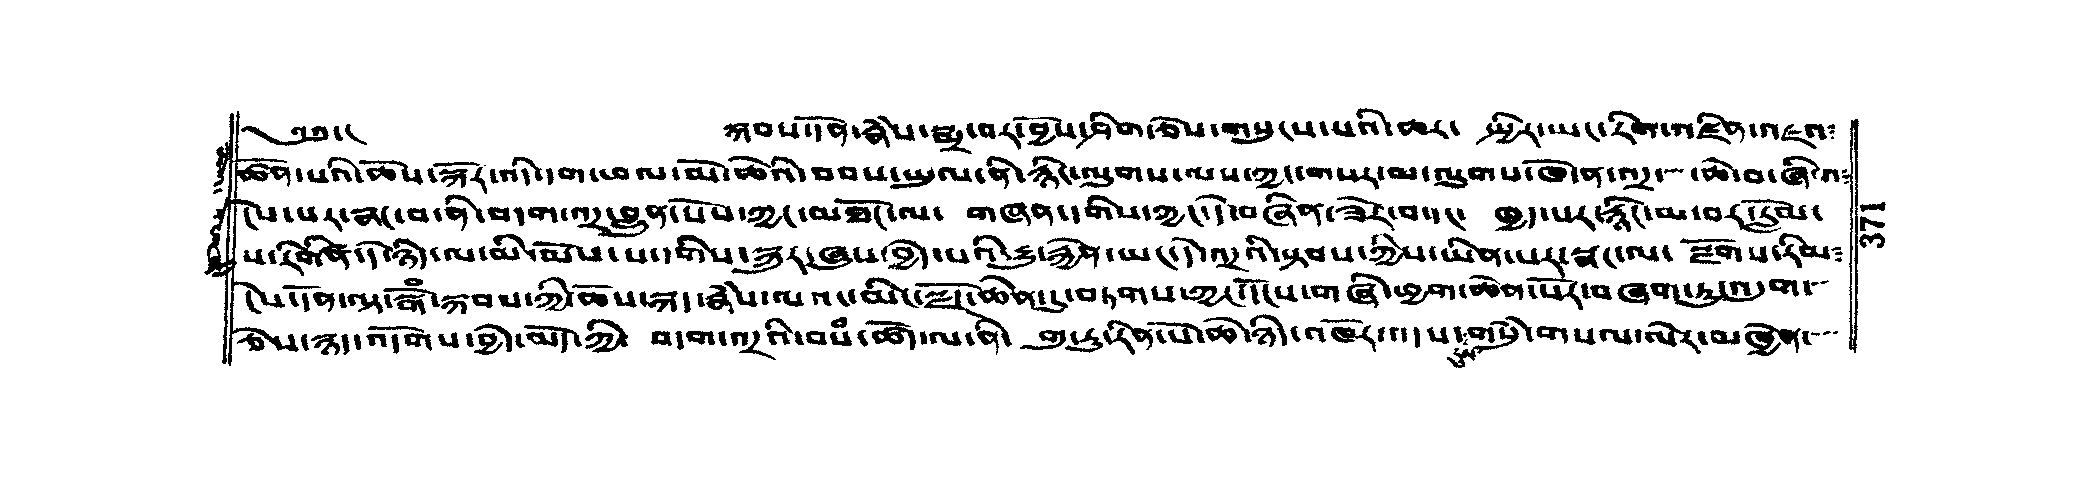སྐབས་དོན་རྣམས་སྨྲ་བར་བྱོས་ཤིག་ཅེས་གསུངས་པའི་ཆར། སྤྱིར་ཡང་རིག་འཛིན་འཇའ་
ཚོན་པའི་ཆོས་སྐོར་འདི་དག་ཕ་མོ་ཆེའི་བབས་ཡུལ་ནི་རྙིང་ལུགས་ལས་ཀྱང་གསར་མ་ལུགས་ཁོ་ན་འདྲ་ཆེ་བ་ཞིག་
ངེས་པར་སྣང་བ་ནི་བདག་འདྲ་བླུན་པོས་ཀྱང་མ་མཐོང་ལ། གཞན་གྱིས་ཀྱང་དེ་བཞིན་ཟེར་བ་དང་། ཁྱད་པར་རྙིང་མ་བར་རློམ་
པ་རིག་འཛིན་དེ་ཉིད་ལ་མི་མོས་པ་དག་གིས་སྐུར་ཞུས་བྱེད་པའི་རྒྱུ་རྐྱེན་ཡང་དེ་འདྲའི་སྟབས་ཀྱིས་ཡིན་པར་སྣང་ལ། རྫོགས་རིམ་
ངེས་དོན་ལྟ་སྒོམ་སྐབས་ཀྱི་ཆོས་སྐད་རྣམས་ལའང་མིང་རྫོགས་ཆེན་དུ་བཏགས་ཀྱང་དངོས་གཞི་ཕྱག་ཆེན་པོར་བཞག་ཏུ་འདུག་
ཅེས་སྙད་འདོགས་བྱེད་མོད་ཀྱི། བདག་འདྲས་བསམ་ཚོད་ལ་ནི། གུ་རུ་རིན་པོ་ཆེ་ཉིད་འཁོར་འདས་དུས་གསུམ་གསལ་ལེར་མཁྱེན་